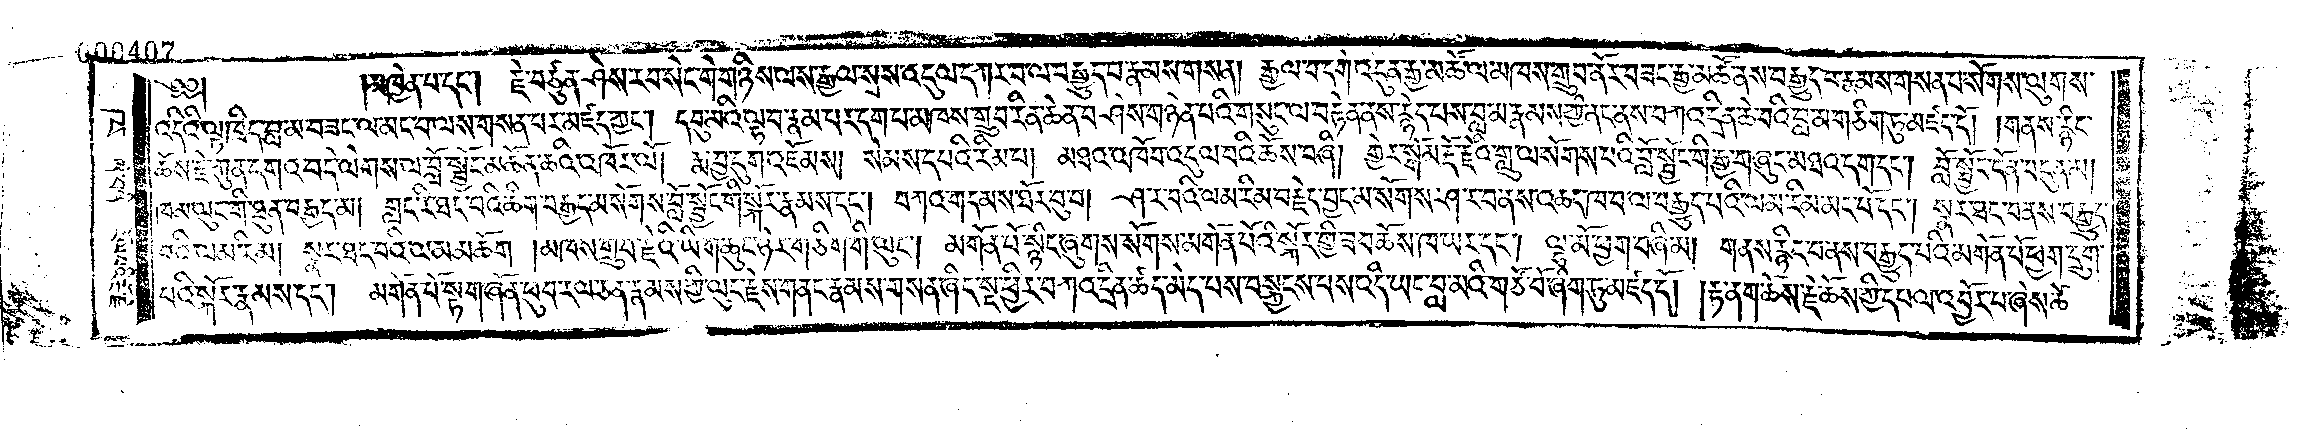༄༅། །མཁྱེན་པ་དང་། རྗེ་བཙུན་ཤེས་རབ་སེང་གེ་གཉིས་ལས་རྒྱལ་སྲས་འདུལ་དཀར་བ་ལ་བརྒྱུད་པ་རྣམས་གསན། རྒྱལ་བ་དགེ་འདུན་རྒྱ་མཚོ་ལ་མཁས་གྲུབ་ནོར་བཟང་རྒྱ་མཚོ་ནས་བརྒྱུད་པ་རྣམས་གསན་པ་སོགས་ལུགས་
འདིའི་ལྟ་ཁྲིད་བླ་མ་བཟང་ལ་མང་བ་ལས་གསན་པར་མཛད་ཀྱང་། དབུ་མའི་ལྟ་བ་རྣམ་པར་དག་པ་མཁས་གྲུབ་རིན་ཆེན་བཤེས་གཉེན་པའི་གསུང་ལ་བརྟེན་ནས་རྙེད་པས་བླ་མ་རྣམས་ཀྱི་ནང་ནས་བཀའ་དྲིན་ཆེ་བའི་བླ་མ་གཅིག་ཏུ་མཛད་དོ། །གནས་རྙིང་
ཆོས་རྗེ་ཀུན་དགའ་བདེ་ལེགས་ལ་བློ་སྦྱོང་མཚོན་ཆའི་འཁོར་ལོ། རྨ་བྱ་དུག་འཇོམས། སེམས་དཔའི་རིམ་པ། མཐའ་འཁོབ་འདུལ་བའི་ཆོས་བཞི། གྱེར་སྒོམ་རྡོ་རྗེའི་གླུ་ལ་སོགས་པའི་བློ་སྦྱོང་གི་རྒྱ་གཞུང་མཐའ་དག་དང་། བློ་སྦྱོང་དོན་བདུན་མ།
ཁམ་ལུང་གི་ཐུན་བརྒྱད་མ། གླང་རི་ཐང་པའི་ཚིག་བརྒྱད་མ་སོགས་བློ་སྦྱོང་གི་སྐོར་རྣམས་དང་། བཀའ་གདམས་ཐོར་བུ་བ། ཤ་རབ་པའི་ལམ་རིམ་བརྗེད་བྱང་མ་སོགས་ཤ་ར་བ་ནས་འཆད་ཁ་བ་ལ་བརྒྱུད་པའི་ལམ་རིམ་མང་པོ་དང་། སྣར་ཐང་བ་ནས་བརྒྱུད་
བའི་ལམ་རིམ། སྣར་ཐད་པའི་ལམ་མཆོག །མཁས་གྲུབ་རྗེའི་ཡིག་ཆུང་ཉེར་གཅིག་གི་ལུང་། མགོན་པོ་སྙིང་ཞུགས་སོགས་མགོན་པོའི་སྐོར་གྱི་ཟབ་ཆོས་ཁ་ཡར་དང་། ལྷ་མོ་ཕྱག་བཞི་མ། གནས་རྙིང་བ་ནས་བརྒྱུད་པའི་མགོན་པོ་ཕྱག་དྲུག་
པའི་སྐོར་རྣམས་དང་། མགོན་པོ་སྟག་ཞོན་ཕུབ་རལ་ཅན་རྣམས་ཀྱི་ལུང་རྗེས་གནང་རྣམས་གསན་ཞིང་སྡེ་ཕྱིར་བཀའ་དྲིན་ཚད་མེད་པས་བསྐྱངས་པས་འདི་ཡང་བླ་མའི་གཙོ་བོ་ཞིག་ཏུ་མཛད་དོ། །རྟ་ནག་ཆོས་རྗེ་ཆོས་ཀྱི་དཔལ་འབྱོར་པ་ཞེས་ཚེ་